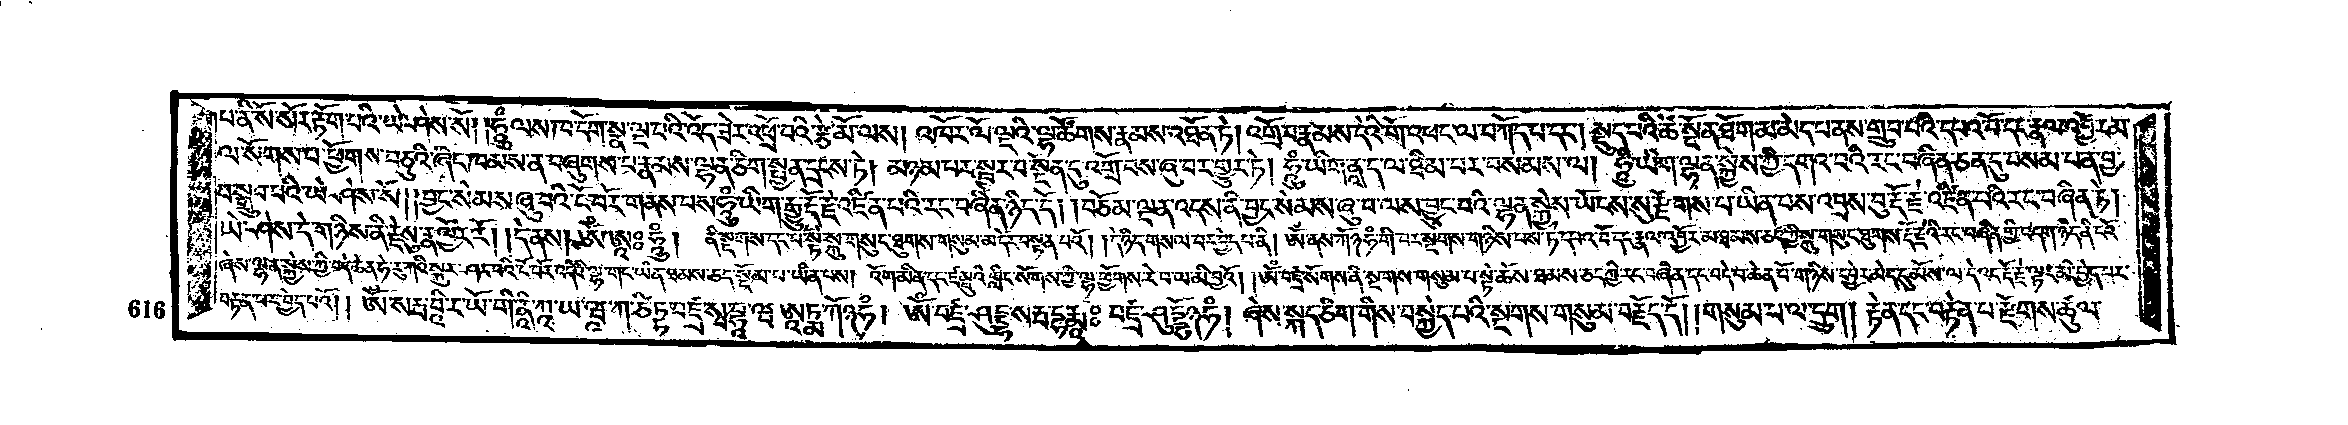པ་ནི་སོ་སོར་རྟོག་པའི་ཡེ་ཤེས་སོ། །ཧཱུཾ་ལས་ཁ་དོག་སྣ་ལྔ་པའི་འོད་ཟེར་འཕྲོ་བའི་རྩེ་མོ་ལས། འཁོར་ལོ་ལྔའི་ལྷ་ཚོགས་རྣམས་འཐོན་ཏེ། འགྲོ་བ་རྣམས་དེའི་གོ་འཕང་ལ་བཀོད་པ་དང་། སྡུད་པའི་ཚེ་སྔོན་ཐོག་མ་མེད་པ་ནས་གྲུབ་པའི་དཔའ་བོ་དང་རྣལ་འབྱོར་མ་
ལ་སོགས་པ་ཕྱོགས་བཅུའི་ཞིང་ཁམས་ན་བཞུགས་པ་རྣམས་ལྷན་ཅིག་སྤྱན་དྲངས་ཏེ། མཉམ་པར་སྦྱར་བ་སྔོན་དུ་འགྲོ་བས་ཞུ་བར་གྱུར་ཏེ། ཧཱུཾ་ཡིག་ནཱ་ད་ལ་ཐིམ་པར་བསམས་ལ། ཧཱུམ་ཡིག་ལྷན་སྐྱེས་ཀྱི་དགའ་བའི་རང་བཞིན་ཅན་དུ་བསམ་པ་ན་བྱ་
བ་སྒྲུབ་པའི་ཡེ་ཤེས་སོ། །བྱང་སེམས་ཞུ་བའི་ངོ་བོར་གནས་པས་ཧཱུཾ་ཡིག་རྒྱུ་རྡོ་རྗེ་འཛིན་པའི་རང་བཞིན་ཉིད་དོ། །བཅོམ་ལྡན་འདས་ནི་བྱང་སེམས་ཞུ་བ་ལས་བྱུང་བའི་ལྷན་སྐྱེས་ཡོངས་སུ་རྫོགས་པ་ཡིན་པས་འབྲས་བུ་རྡོ་རྗེ་འཛིན་པའི་རང་བཞིན་ཏེ།
ཡེ་ཤེས་དེ་གཉིས་ནི་རྗེས་སུ་རྣལ་འབྱོར་རོ། །དེ་ནས། ཨོཾ་ཨཱཿ ཧཱུཾ། ནི་སྔགས་དང་པོ་སྟེ་སྐུ་གསུང་ཐུགས་གསུམ་མདོར་བསྟན་པའོ། །དེ་ཉིད་གསལ་བར་བྱེད་པ་ནི། ཨོཾ་ནས་ཀོཉཧཾ་གི་བར་སྔགས་གཉིས་པས་ཏེ་དཔའ་བོ་དང་རྣལ་འབྱོར་མ་ཐམས་ཅད་ཀྱི་སྐུ་གསུངས་ཐུགས་རྡོ་རྗེའི་རང་བཞིན་གྱི་བདག་ཉིད་ནི་ངའོ་ཞེས་ལྷན་སྐྱེས་ཀྱི་བདེ་ཆེན་ཧེ་རུ་ཀའི་སྐུར་ཤར་བའི་ངོ་བོར་འདིའི་ལྷ་གང་ཡིན་ཐམས་ཅད་སྡོམ་པ་ཡིན་པས། འོག་མིན་དང་ཛམྦུའི་གླིང་སོགས་ཀྱི་ལྷ་ཕྱོགས་རེ་བ་ལ་མི་བྱའོ། །ཨོཾ་བཛྲ་སོགས་ནི་སྔགས་གསུམ་པ་སྟེ་ཆོས་ཐམས་ཅད་ཀྱི་རང་བཞིན་དང་བདེ་བ་ཆེན་པོ་གཉིས་དབྱེར་མེད་དུ་མོས་ལ་དེའང་རྡོ་རྗེ་ལྟར་མི་བྱེད་པར་
བརྟན་པར་བྱེད་པའོ། །ཨོཾ་སརྦ་པཱི་ར་ཡོ་གི་ནཱི་ཀཱ་ཡ་ཝཱ་ཀ་ཙིཏྟ་བཛྲ་སྭ་བྷཱ་ཝ་ཨཱཏྨ་ཀོཉཧཾ། ཨོཾ་བཛྲ་ཤུདྡྷ་སརྦ་དྷརྨཱཿ བཛྲ་ཤུདྡྷོཉྷཾ། ཞེས་སྐད་ཅིག་གིས་བསྐྱེད་པའི་སྔགས་གསུམ་བརྗོད་དོ། །གསུམ་པ་ལ་དྲུག །རྟེན་དང་བརྟེན་པ་རྫོགས་ཚུལ་